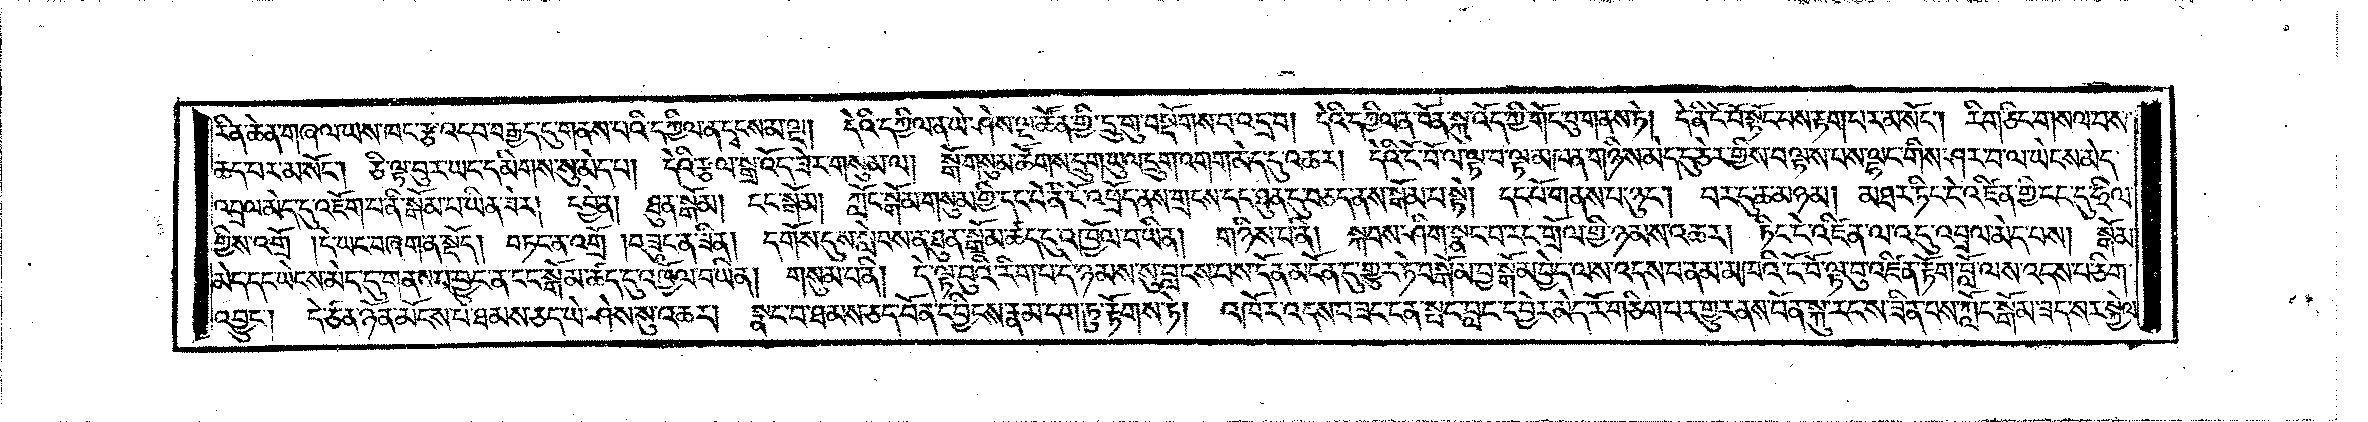རིན་ཆེན་གཞལ་ཡས་ཁང་རྩ་འདབ་བརྒྱད་དུ་གནས་པའི་དཀྱིལ་ན་དྭངས་མ་ལྔ། དེའི་དཀྱིལ་ན་ཡེ་ཤེས་ལྔ་ཚོན་གྱི་དྲུག་གུ་བསྡོགས་པ་འདྲ་བ། དེའི་དཀྱིལ་ན་བོན་སྐུ་འོད་ཀྱི་གོང་བུ་གནས་ཏེ། དེ་ནི་ངོ་བོ་སྟོང་པས་རྟག་པར་མ་སོང་། རིག་ཅིང་གསལ་བས་
ཆད་པར་མ་སོང་། ཅི་ལྟ་བུར་ཡང་དམིགས་སུ་མེད་པ། དེའི་རྩལ་སྒྲ་འོད་ཟེར་གསུམ་ལ། སྒོ་གསུམ་ཚོགས་དྲུག་ཡུལ་དྲུག་འགག་མེད་དུ་འཆར། དེའི་ངོ་བོ་ལ་ལྟ་བ་ལྟ་མཁན་གཉིས་མེད་དུ་ཅེར་གྱིས་བལྟས་པས་ལྷང་གིས་ཤར་བ་ལ་ཡེངས་མེད་
འབྲལ་མེད་དུ་འཇོག་པ་ནི་སྒོམ་པ་ཡིན་ཟེར། དབྱེ་ན། ཐུན་སྒོམ། ངང་སྒོམ། ཀློང་སྒོམ་གསུམ་གྱི་དང་པོ་ནི་ངོ་འཕྲོད་ནས་གྲངས་དང་ཐུན་དུ་བཅད་ནས་སྒོམ་པ་སྟེ། དང་པོ་གནས་པ་ཉུང་། བར་དུ་ཆ་མཉམ། མཐར་ཏིང་ངེ་འཛིན་གྱི་ངང་དུ་ཧྲིལ་
གྱིས་འགྲོ་།དེ་ཡང་བཞག་ན་སྡོད། བཏང་ན་འགྲོ་།བཟུང་ན་ཟིན། དགོས་དུས་སླེབས་ན་ཐུན་སྒྲོམ་ཚད་དུ་འཁྱོལ་པ་ཡིན། གཉིས་པ་ནི། སྐབས་ཤིག་སྣང་བ་རང་གྲོལ་གྱི་ཉམས་འཆར། ཏིང་ངེ་འཛིན་ལ་འདུ་འབྲལ་མེད་པས། སྒོམ་
མེད་དང་ཡེངས་མེད་དུ་གནས་པ་བྱུང་ན་ངང་སྒོམ་ཚད་དུ་འཁྱོལ་པ་ཡིན། གསུམ་པ་ནི། དེ་ལྟ་བུའི་རིག་པ་དེ་ཉམས་སུ་བླངས་པས་དོན་མངོན་དུ་གྱུར་ཏེ་བསྒོམ་བྱ་སྒོམ་བྱེད་ལས་འདས་པ་ནམ་མཁའི་ངོ་བོ་ལྟ་བུ་འཛིན་རྟོག་བློ་ལས་འདས་པ་ཅིག་
འབྱུང་། དེ་ཙན་ཉོན་མོངས་པ་ཐམས་ཅད་ཡེ་ཤེས་སུ་འཆར། སྣང་བ་ཐམས་ཅད་བོན་དབྱིངས་རྣམ་དག་ཏུ་རྟོགས་ཏེ། འཁོར་འདས་བཟང་ངན་སྤང་བླང་དབྱེར་མེད་རོ་གཅིག་པར་གྱུར་ནས་བོན་སྐུ་རང་ས་ཟིན་པས་ཀློང་སྒོམ་ཟད་སར་སྐྱེལ་